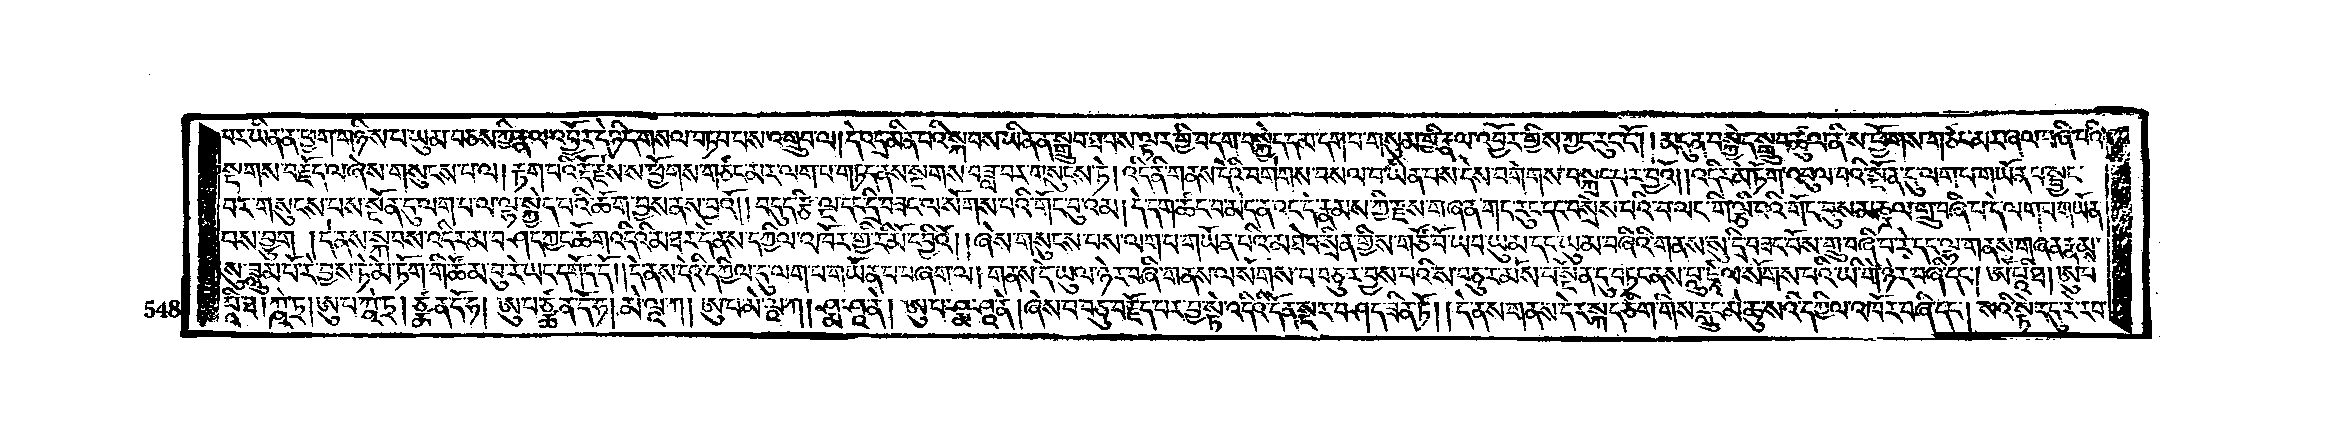བར་ཡིན་ན་ཕྱག་གཉིས་པ་ཡུམ་བཅས་ཀྱི་རྣལ་འབྱོར་དེ་ཉིད་གསལ་བཏབ་པས་འགྲུབ་ལ། དེ་འདྲ་མིན་པའི་སྐབས་ཡིན་ན་སྒྲུབ་ཐབས་ལྟར་གྱི་བདག་བསྐྱེད་དམ་དག་པ་གསུམ་གྱི་རྣལ་འབྱོར་གྱིས་ཀྱང་རུང་ངོ། །མདུན་བསྐྱེད་སྒྲུབ་ཚུལ་ནི་ས་ཕྱོགས་གཙང་མར་ཞལ་བཞི་པའི་
སྔགས་བརྗོད་ལ་ཞེས་གསུངས་པ་ལ། རྟག་པའི་རྡོ་རྗེས་ས་ཕྱོགས་གཙང་མར་ལག་པ་གཏད་ནས་སྔགས་བཟླ་བར་གསུངས་ཏེ། འདི་ནི་གནས་དེའི་བགེགས་བསལ་བ་ཡིན་པས་དེས་བགེགས་བསྐྲད་པར་བྱའོ། །འདིར་མེ་ཏོག་འབུལ་བའི་སྔོན་དུ་ལག་པ་གཡོན་པ་སྦྱང་
བར་གསུངས་པས་སྔོན་དུ་ལག་པ་ལ་ལྷ་སྐྱེད་པའི་ཆོ་ག་བྱས་ནས་བྱའོ། །བདུད་རྩི་ལྔ་དང་དྲི་བཟང་ལ་སོགས་པའི་གོང་བུ་འམ། དེ་དག་ཚང་བ་མེད་ན་འང་དེ་རྣམས་ཀྱི་རྫས་གཞན་གང་རུང་དང་བསྲེས་པའི་བ་ལང་གི་ལྕི་བའི་གོང་བུས་མཎྜལ་གྲུ་བཞི་པ་དེ་ལག་པ་གཡོན་
པས་བྱུང་། དེ་ནས་སྐབས་འདིར་མ་བཤད་ཀྱང་ཆོག་འདིའི་མཐར་དེ་ནས་དཀྱིལ་འཁོར་གྱི་རི་མོ་དབྱིའོ། །ཞེས་གསུངས་པས་ལག་པ་གཡོན་པའི་མཐེབ་སྲིན་གྱིས་གཙོ་བོ་ཡབ་ཡུམ་དང་ཡུམ་བཞིའི་གནས་སུ་དྲི་བཟང་པོས་གྲུ་བཞི་པ་རེ་དང་ལྷ་གནས་གཞན་རྣམས་
སུ་ཟླུམ་པོ་རེ་བྱས་ཏེ་མེ་ཏོག་གི་ཚོམ་བུ་རེ་ཡང་དགོད་དོ། །དེ་ནས་དེའི་དཀྱིལ་དུ་ལག་པ་གཡོན་པ་བཞག་ལ། གནས་དེ་ཡུལ་ཉེར་བཞི་གནས་ལ་སོགས་པ་བཅུར་བྱས་པའི་ས་བུར་མོས་པ་སྔོན་དུ་བཏང་ནས་པཱུ་ཛཱ་ལ་སོགས་པའི་ཡི་གེ་ཉེར་བཞི་དང་། ཨོཾ་པཱི་ཐ། ཨུ་པ་
པཱི་ཐ། ཀྵེ་ཏྲ། ཨུ་པ་ཀྵེ་ཏྲ། ཙྪ་ན་དོ་ཧ། ཨུ་པ་ཙྪ་ན་དོ་ཧ། མེ་ལཱ་ཀ། ཨུ་པ་མེ་ལཱ་ཀ། ཤྨ་ཤཱ་ནེ། ཨུ་པ་ཤྨ་ཤཱ་ནེ། ཞེས་པ་བཅུ་བརྗོད་པར་བྱ་སྟེ་འདིའི་དོན་སྔར་བཤད་ཟིན་ཏོ། །དེ་ནས་གནས་དེར་སྐད་ཅིག་གིས་རླུང་མེ་ཆུ་སའི་དཀྱིལ་འཁོར་བཞི་དང་། སའི་སྟེང་དུ་རི་རབ་